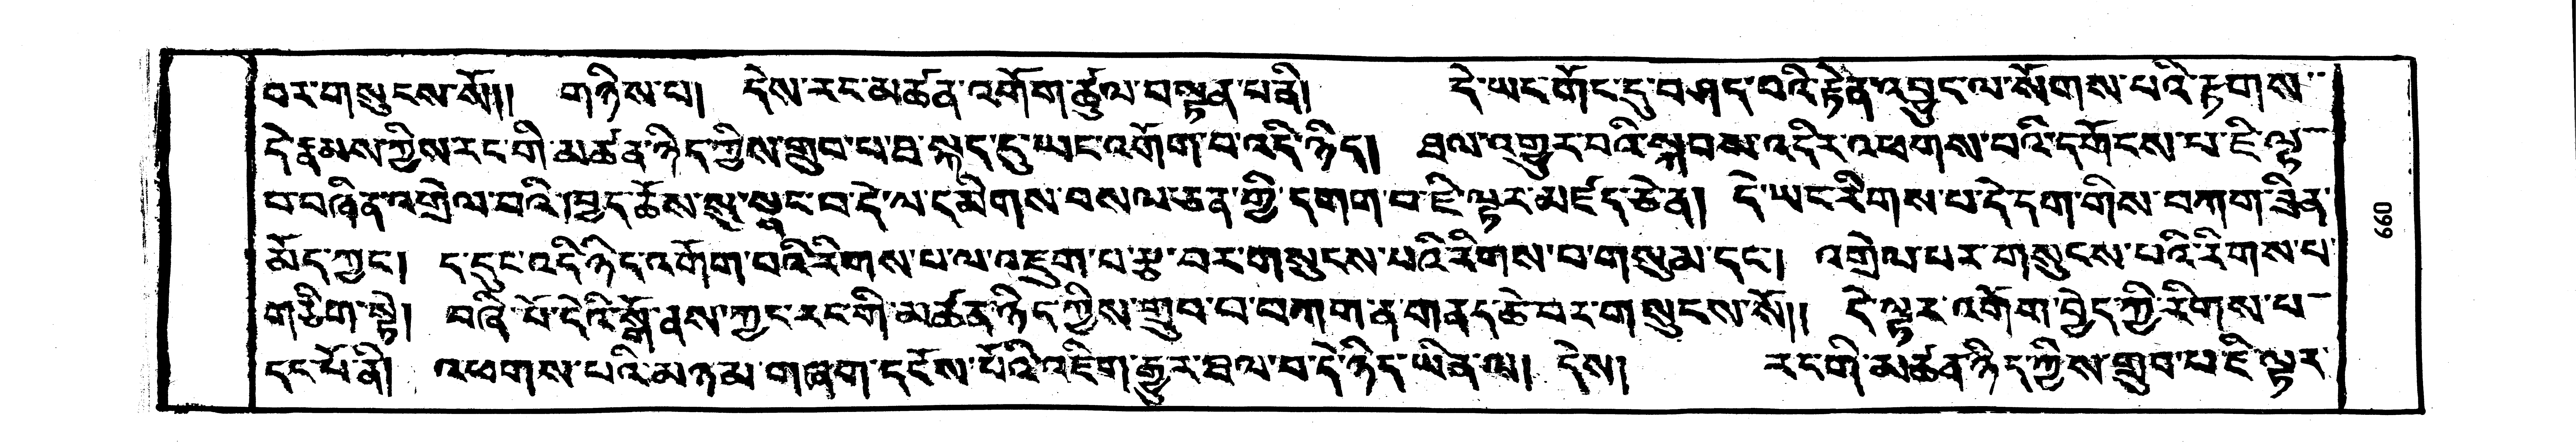བར་གསུངས་སོ། །གཉིས་པ། དེས་རང་མཚན་འགོག་ཚུལ་བསྟན་པ་ནི། དེ་ཡང་གོང་དུ་བཤད་པའི་རྟེན་འབྱུང་ལ་སོགས་པའི་རྟགས་
དེ་རྣམས་ཀྱིས་རང་གི་མཚན་ཉིད་ཀྱིས་གྲུབ་པ་ཐ་སྙད་དུ་ཡང་འགོག་པ་འདི་ཉིད། ཐལ་འགྱུར་བའི་སྐབས་འདིར་འཕགས་པའི་དགོངས་པ་ཇི་ལྟ་
བ་བཞིན་འགྲེལ་བའི་ཁྱད་ཆོས་སུ་སྣང་བ་དེ་ལ་དམིགས་བསལ་ཅན་གྱི་དགག་པ་ཇི་ལྟར་མཛད་ཅེ་ན། དེ་ཡང་རིགས་པ་དེ་དག་གིས་བཀག་ཟིན་
མོད་ཀྱང་། ད་དུང་འདི་ཉིད་འགོག་པའི་རིགས་པ་ལ་འཇུག་པ་རྩ་བར་གསུངས་པའི་རིགས་པ་གསུམ་དང་། འགྲེལ་པར་གསུངས་པའི་རིགས་པ་
གཅིག་སྟེ། བཞི་པོ་དེའི་སྒོ་ནས་ཀྱང་རང་གི་མཚན་ཉིད་ཀྱིས་གྲུབ་པ་བཀག་ན་གནད་ཆེ་བར་གསུངས་སོ། །དེ་ལྟར་འགོག་བྱེད་ཀྱི་རིགས་པ་
དང་པོ་ནི། འཕགས་པའི་མཉམ་གཞག་དངོས་པོའི་འཇིག་རྒྱུར་ཐལ་བ་དེ་ཉིད་ཡིན་ལ། དེས། རང་གི་མཚན་ཉིད་ཀྱིས་གྲུབ་པ་ཇི་ལྟ་